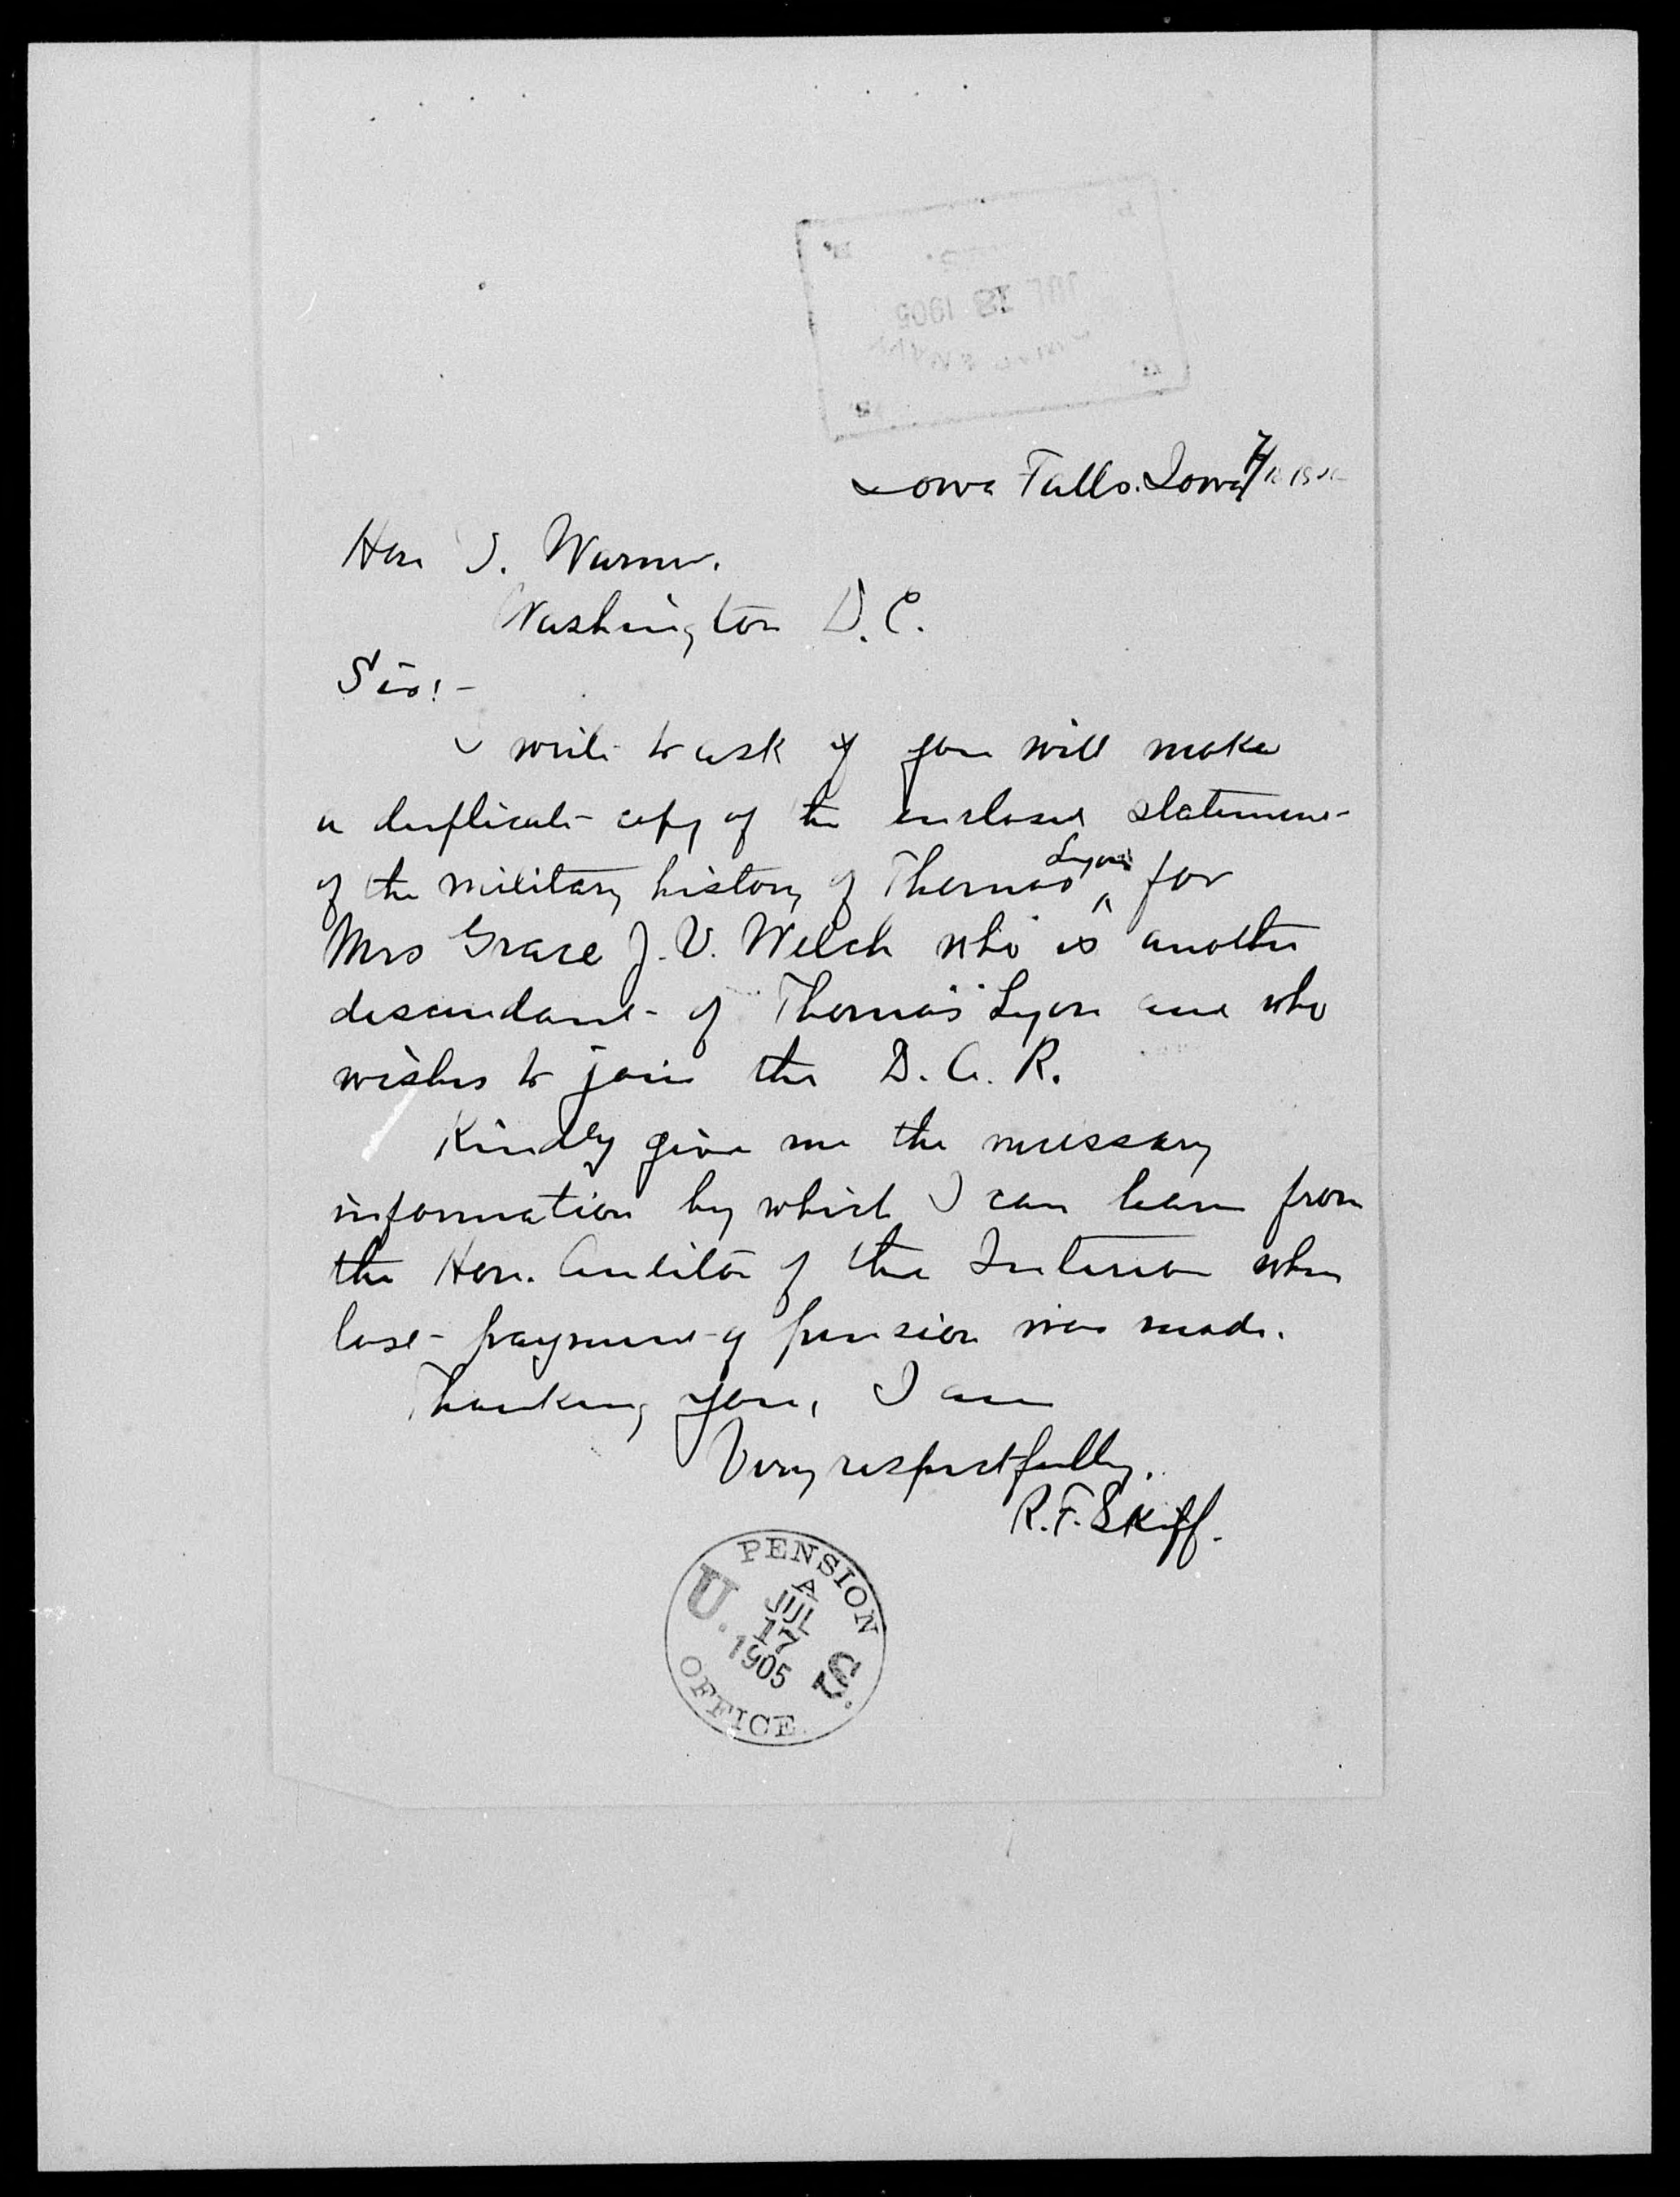Iowa Falls, Iowa

Hon J. Warner
Washington D.C.
Sir:-
I write to ask if you will make
a duplicate copy of the enclosed statement
of the military history of Thomas Lyon for
Mrs Grace J. V. Welch who is another
descendant of Thomas Lyon and who
wishes to join the D.A.R.
Kindly give me the necessary
information by which I can learn from
the Hon. Auditor of the Interior when
last payment of pension was made.
Thanking you
I am
Very respectfully
R.F. Skiff

[Stamp]U.S. PENSION OFFICE JUL 17 1905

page: 20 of 28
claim: survivor's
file: S. 21,872, for Thomas Lyon, New York